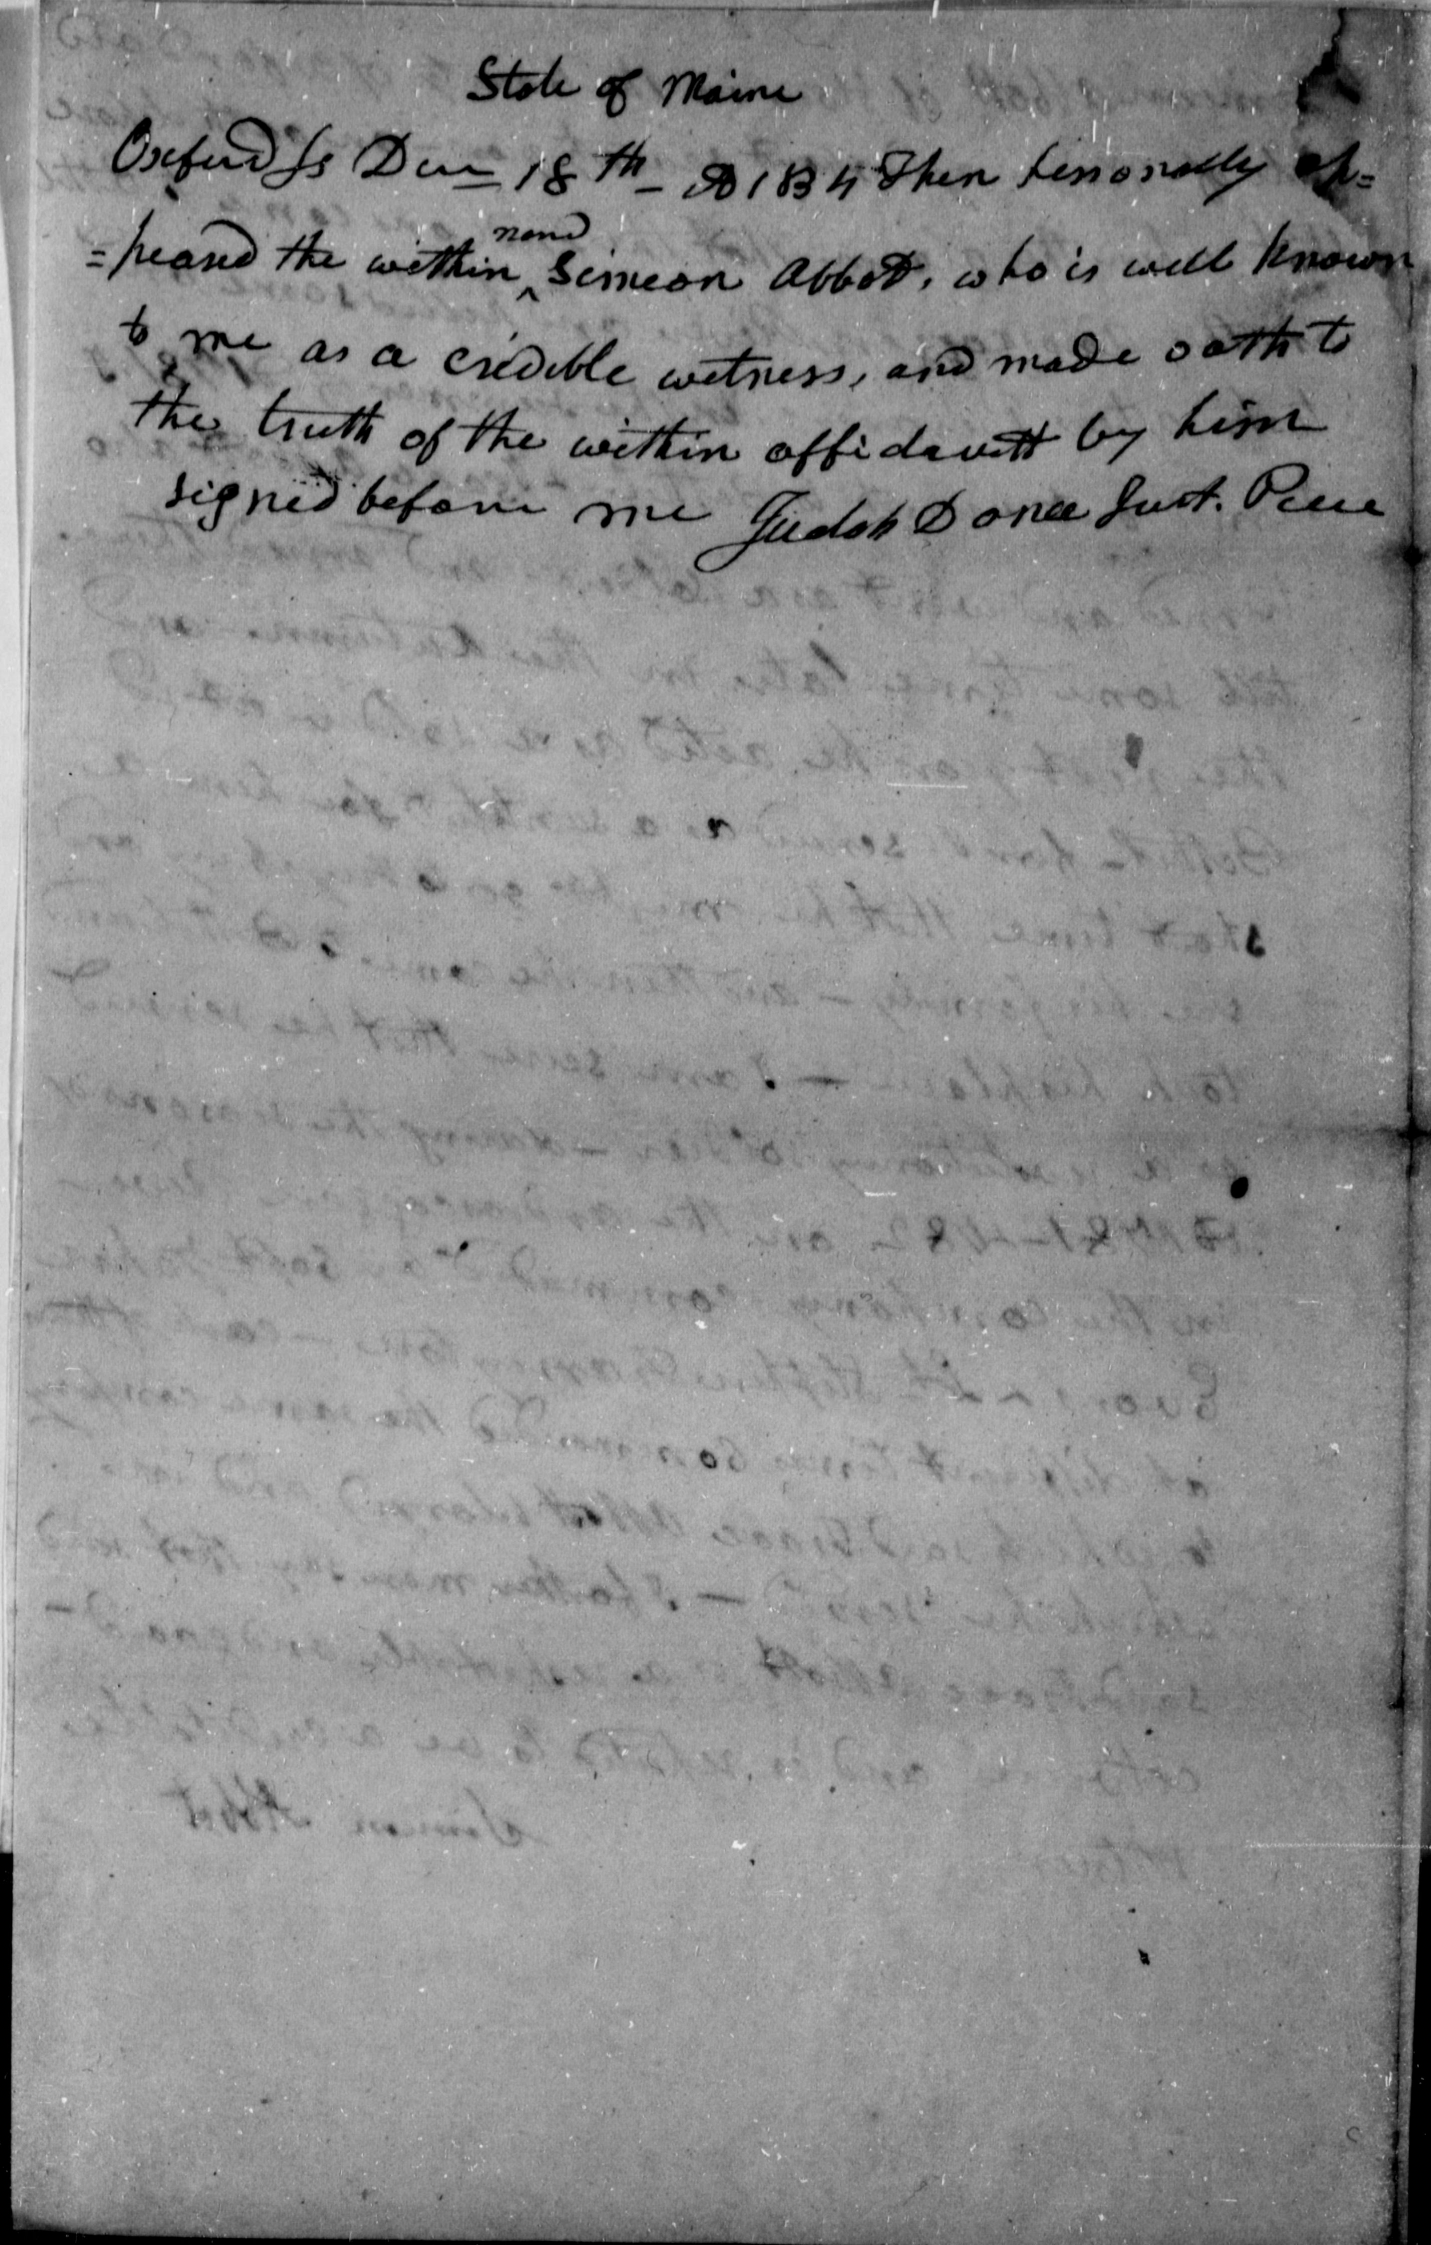State of Maine
Oxford ss., Dec. 18th, A.D. 1834. Then personally appeared the within named, Simon Abbott, who is well known to me as a credible witness, and made oath to the truth of the within affidavit by him signed before me.
[SIGNED: Judah Dana] Just. Peace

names: Simeon Abbot, Judah Dona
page: 42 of 86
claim: survivor's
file: S 29,568, Isaac Abbot, Mass